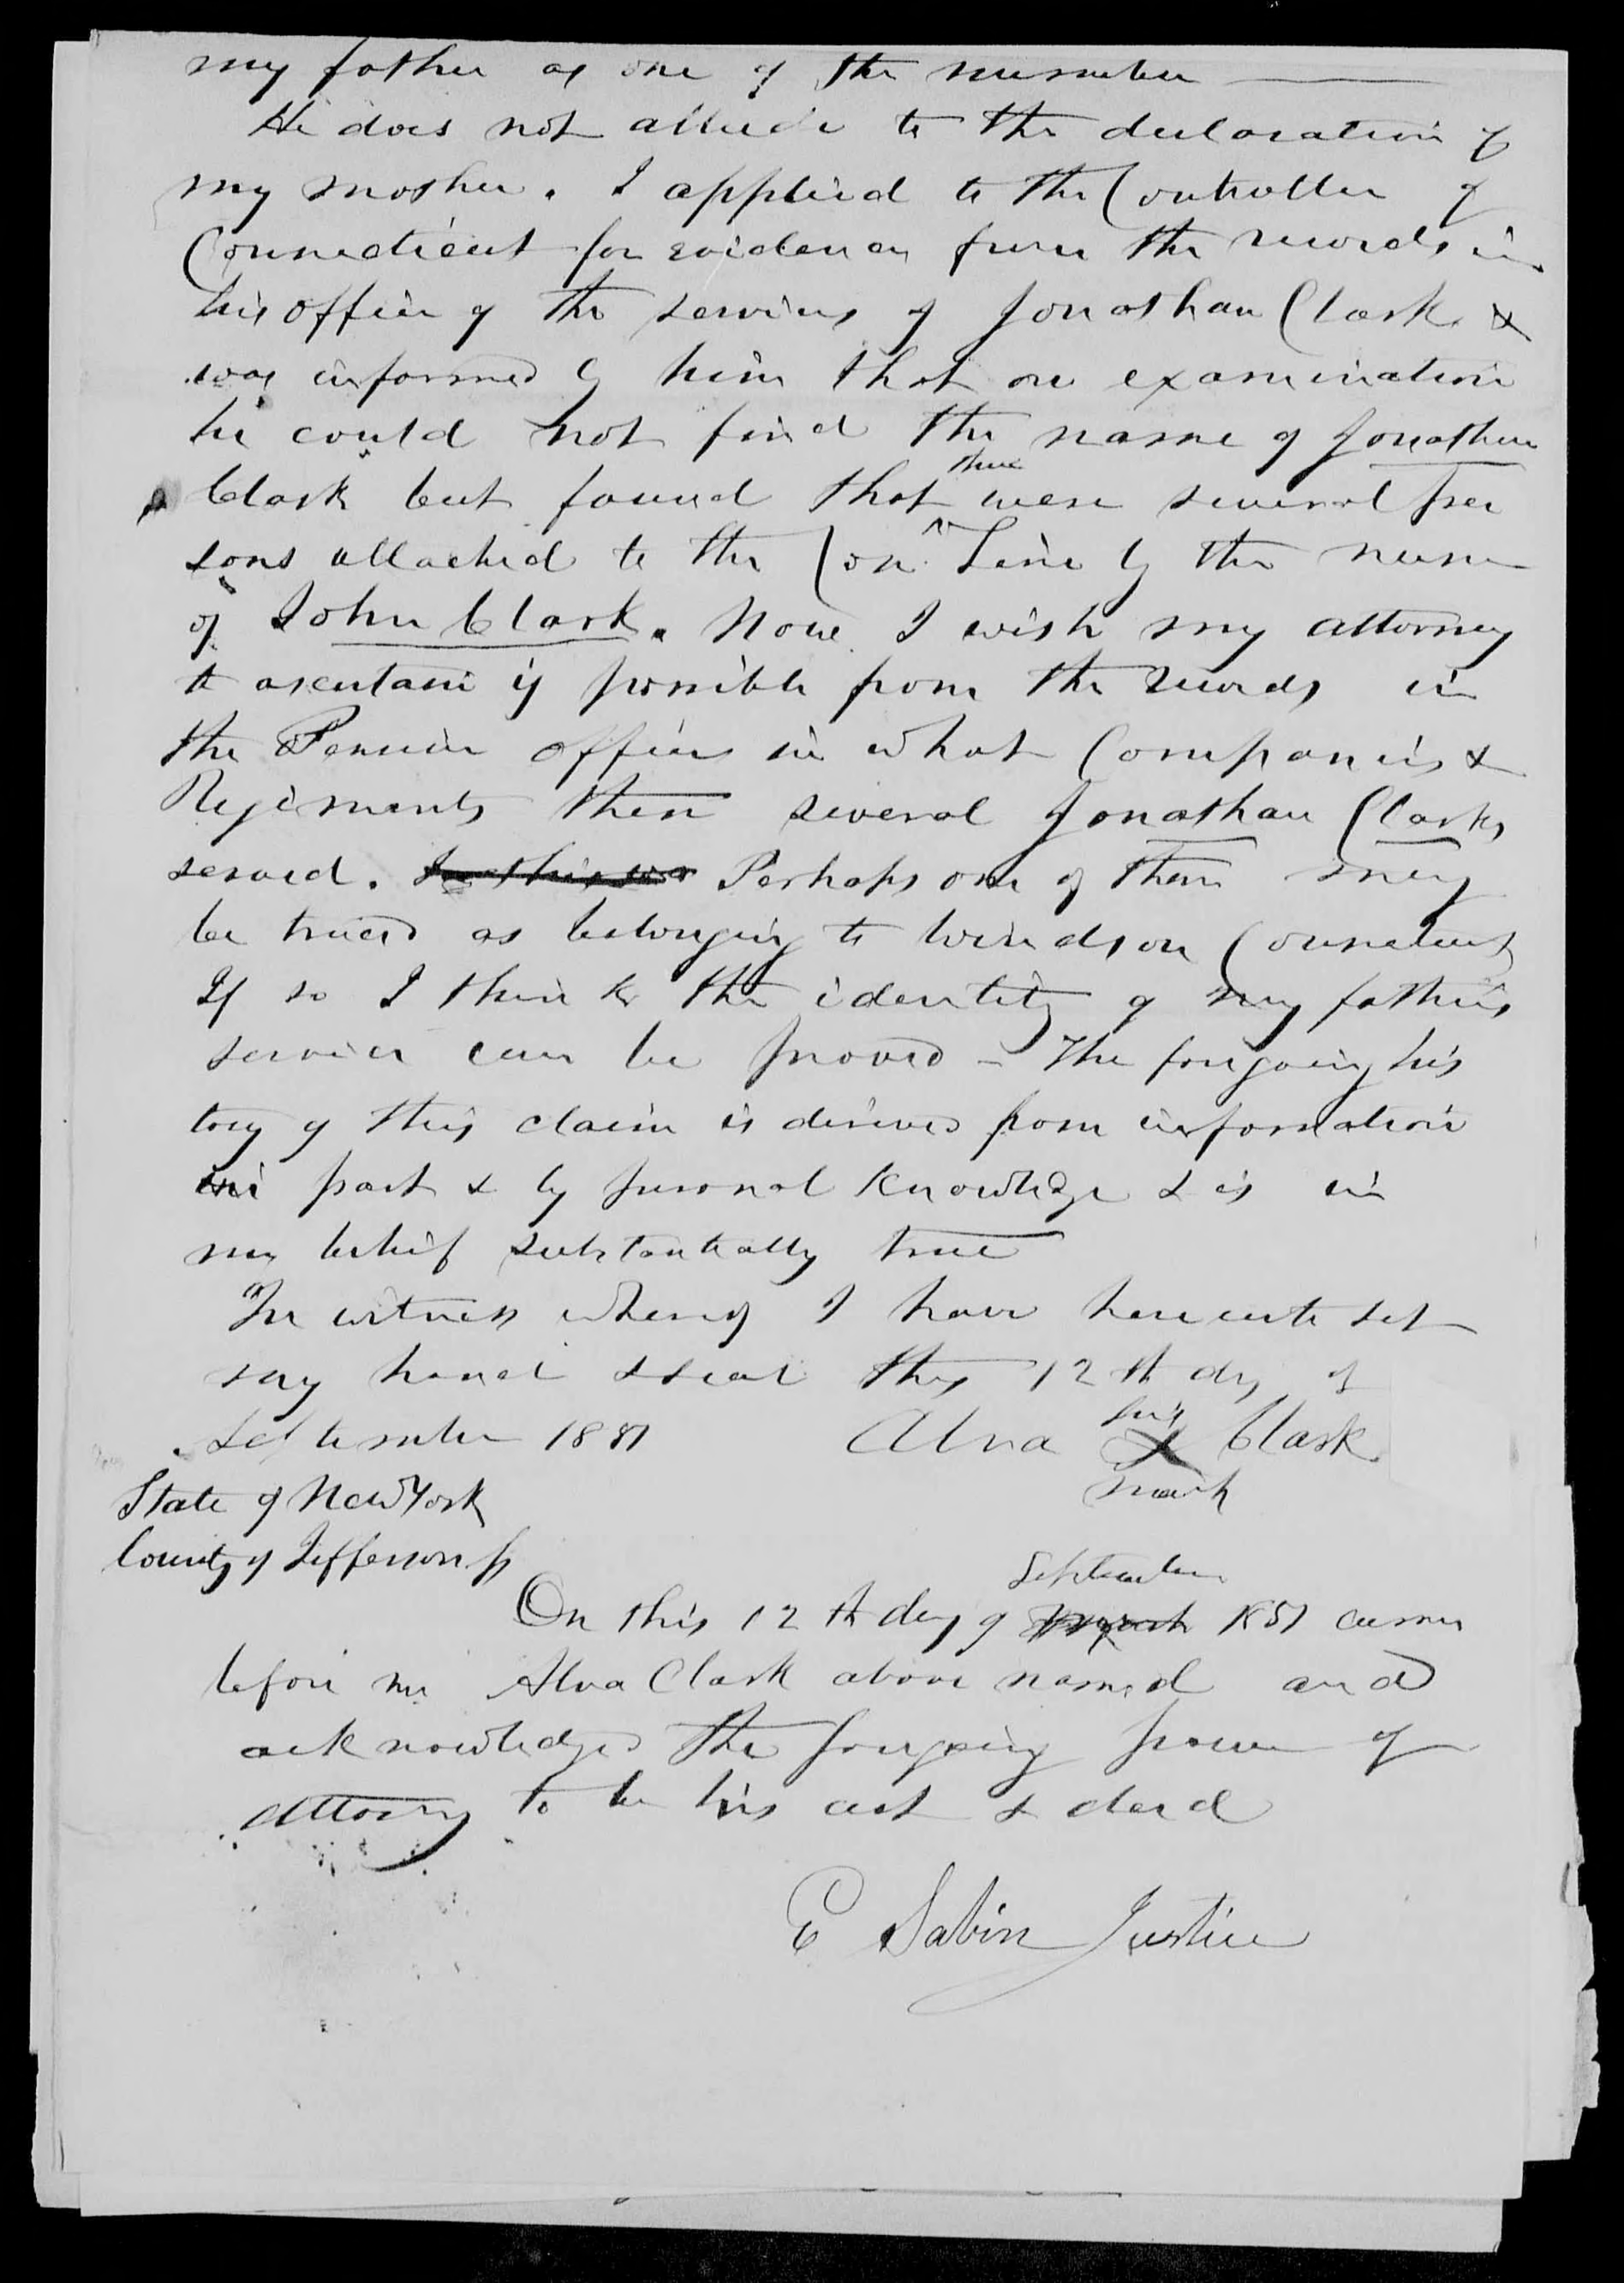my father as one of the number -
  He does not allude to the declaration of my mother.  I applied to the Controller of Connecticut for evidence from the records in his office of the services of Jonathan Clark & was informed by him that on examination he could not find the name of Jonathan Clark but found that there were several persons attached to the Con. Line by the name of John Clark.  Now I wish my attorney to ascertain if possible from the records in the Pension office in what Companies & Regiments these several Jonathan Clarks served.  Perhaps one of them may be traced as belonging to Windsor Connecticut  If so I think the identity of my fathers service can be proved - The foregoing history of this claim is derived from information in part & by personal knowledge & is in my belief substantially true
In witness whereof I have herewith set my hand & seal this 12th day of September 1851
Alva (his mark) Clark
State of New York
County of Jefferson Ss
  On this 12th day of September 1851 comes before me Alva Clark above named and acknowledged the foregoing power of attorney to be his act & deed
E Sabin Justice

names: Alva Clark, Alva Clark, Jonathan Clark, Jonathan Clark, E Sabin, Jonathan Clarks, John Clark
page: 5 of 26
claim: rejected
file: R. 2001, Jonathan Clark, Conn.